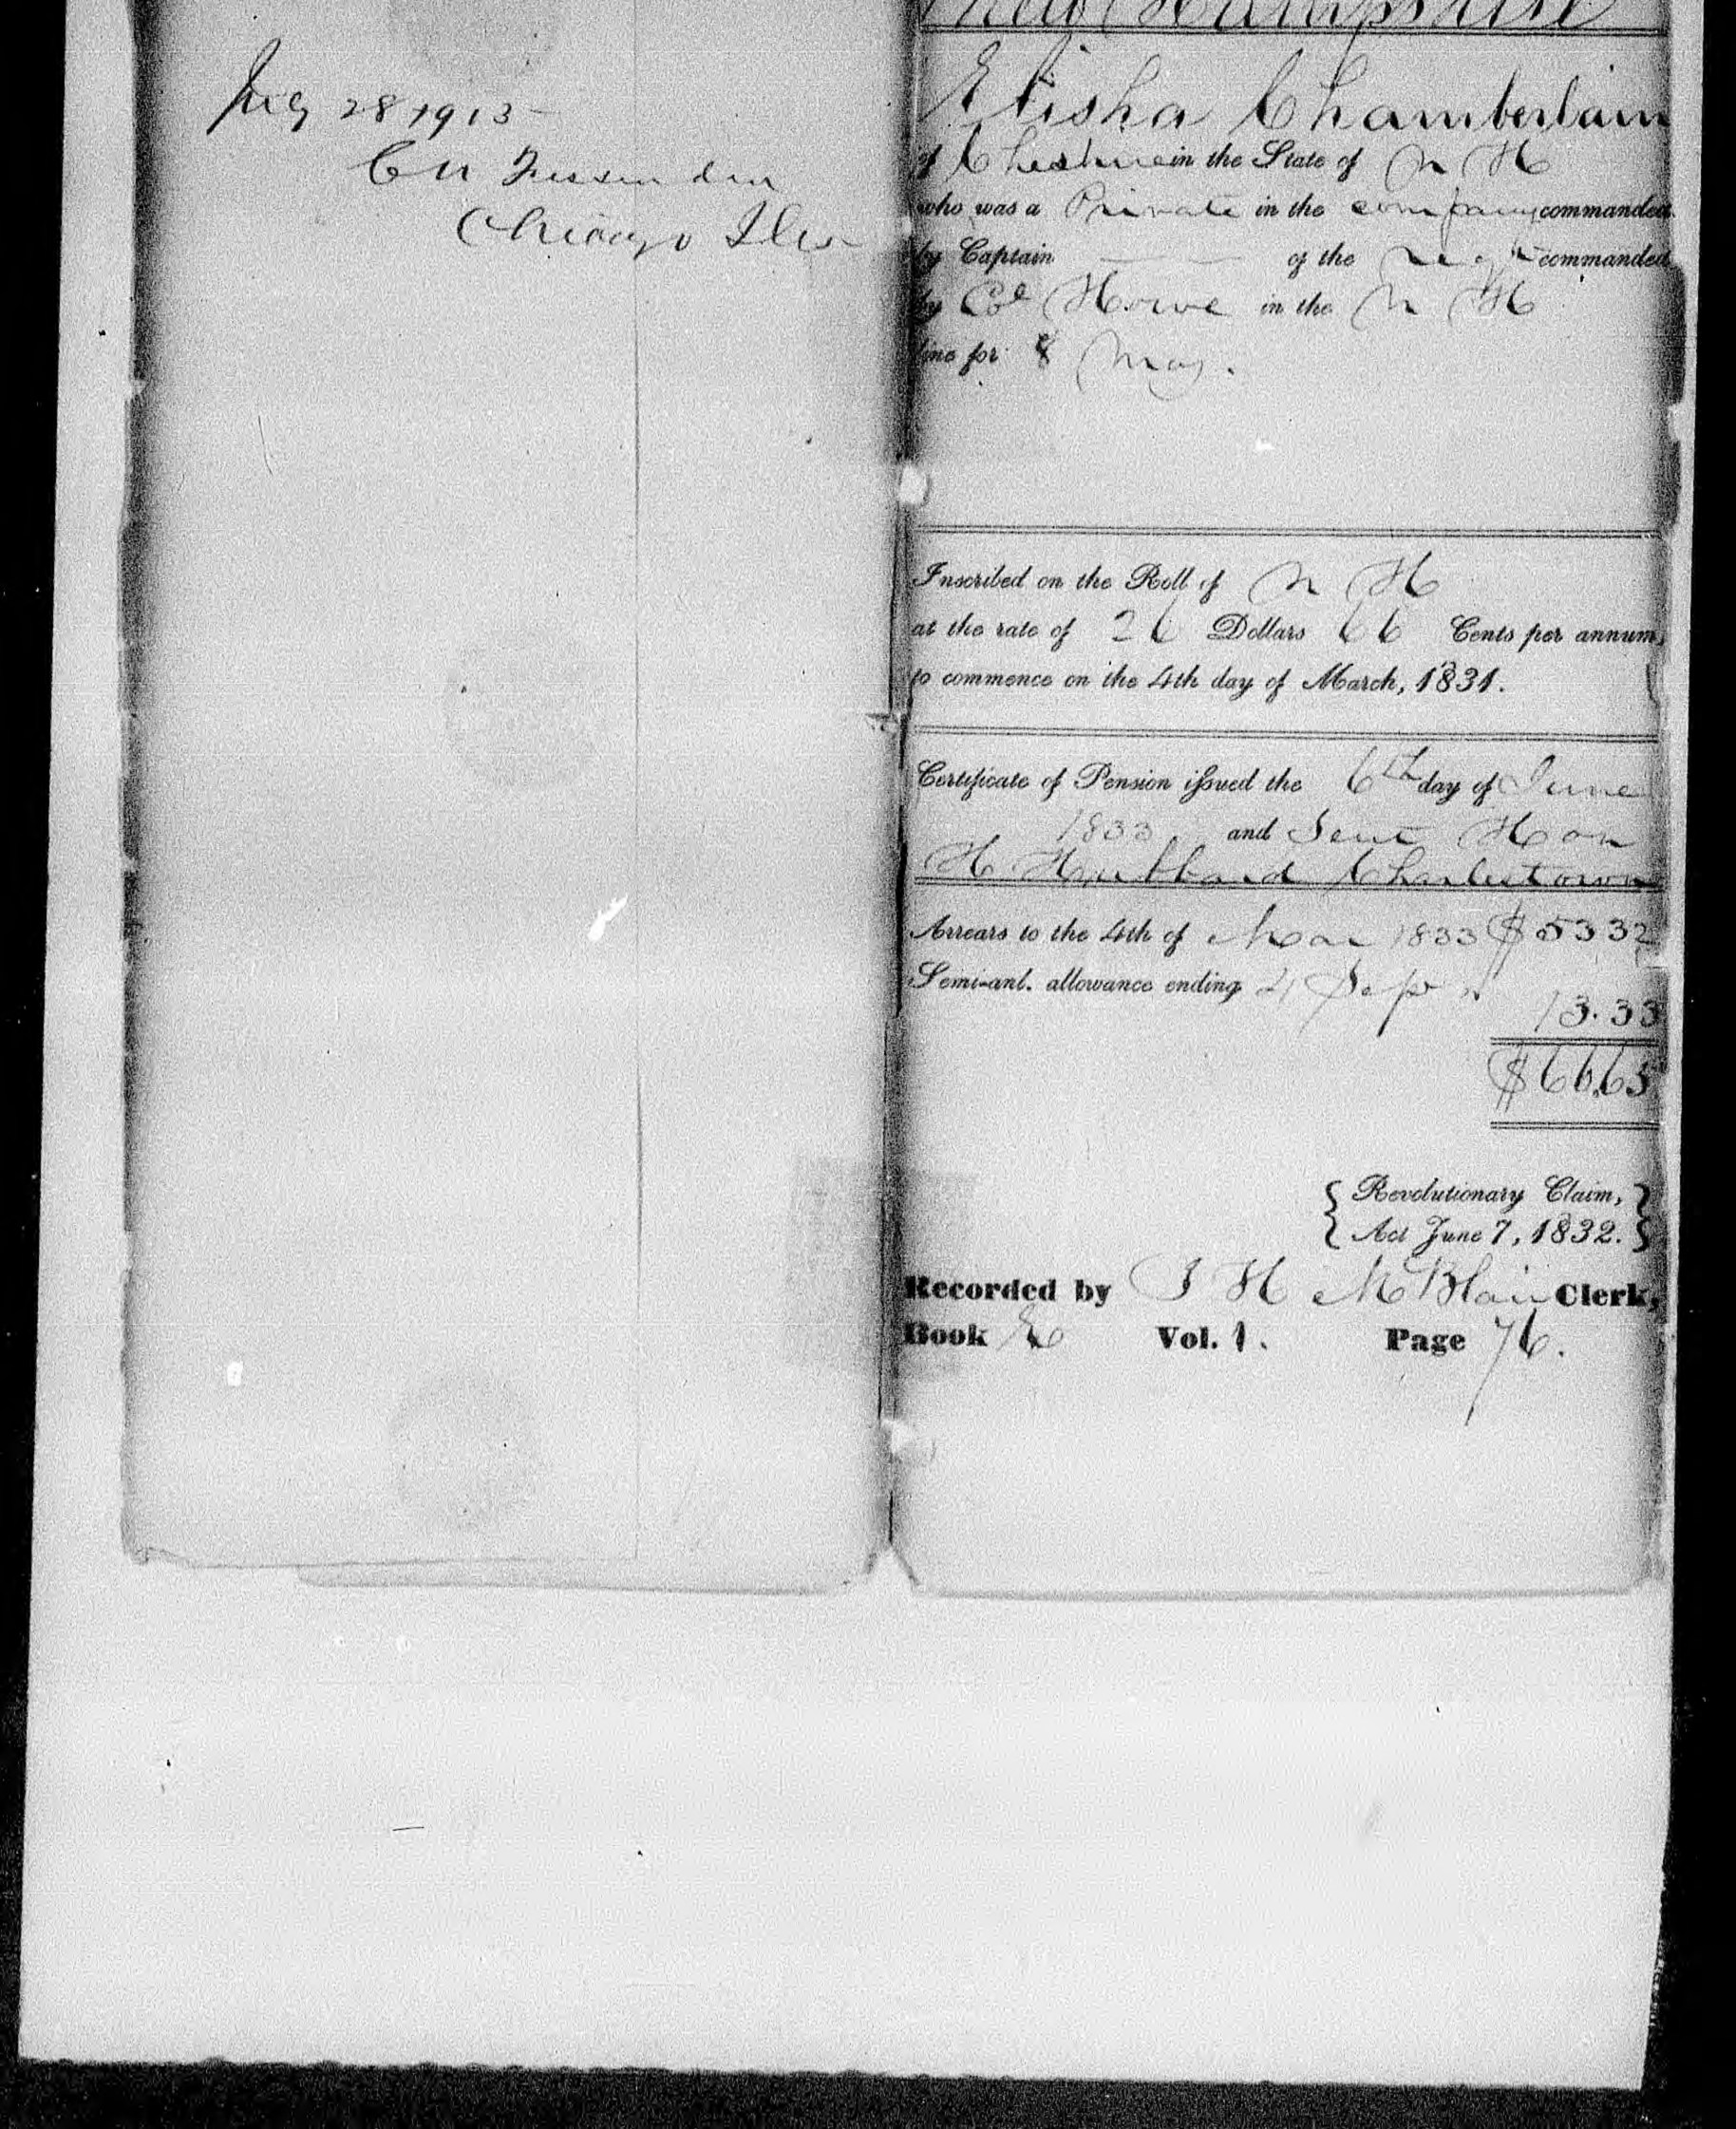(LEFT SIDE)
July 28 1913
C N Fessenden
Chicago Illinois

(RIGHT SIDE)
*(top line cut off)

Elisha Chamberlain
of Cheshire in the State of NH (New Hampshire)
who was a Private in the company commanded by Captain (left blank) of the regt (regiment) commanded by Col Hawes in the NH (New Hampshire) line pr 8 May.

Inscribed on the Roll of NH at the rate of 26 Dollars 66 Cents per annum to commence on the 4th day of March, 1831.

Certificate of Pension issued the 6th day of June 1833 and sent (illegible) on H (Henry) Hubbard Charlestown (New Hampshire)

Arrears to the 4th of Mar (March) 1833 $53.32
Semi-anl. (annual), allowance ending 4 Sept.
 13.33
(Total) $66.65
{Revolutionary Claim,}
{Act June 7, 1832.}
Recorded by J H McBlair Clerk,
Book 6    Vol. 1    Page 76.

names: H Hubbard, Howe, J H Mc Blair, C N Fessenden, Elisha Chamberlain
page: 5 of 24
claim: rejected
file: R. 1835, Elisha Chamberlain, Mass.